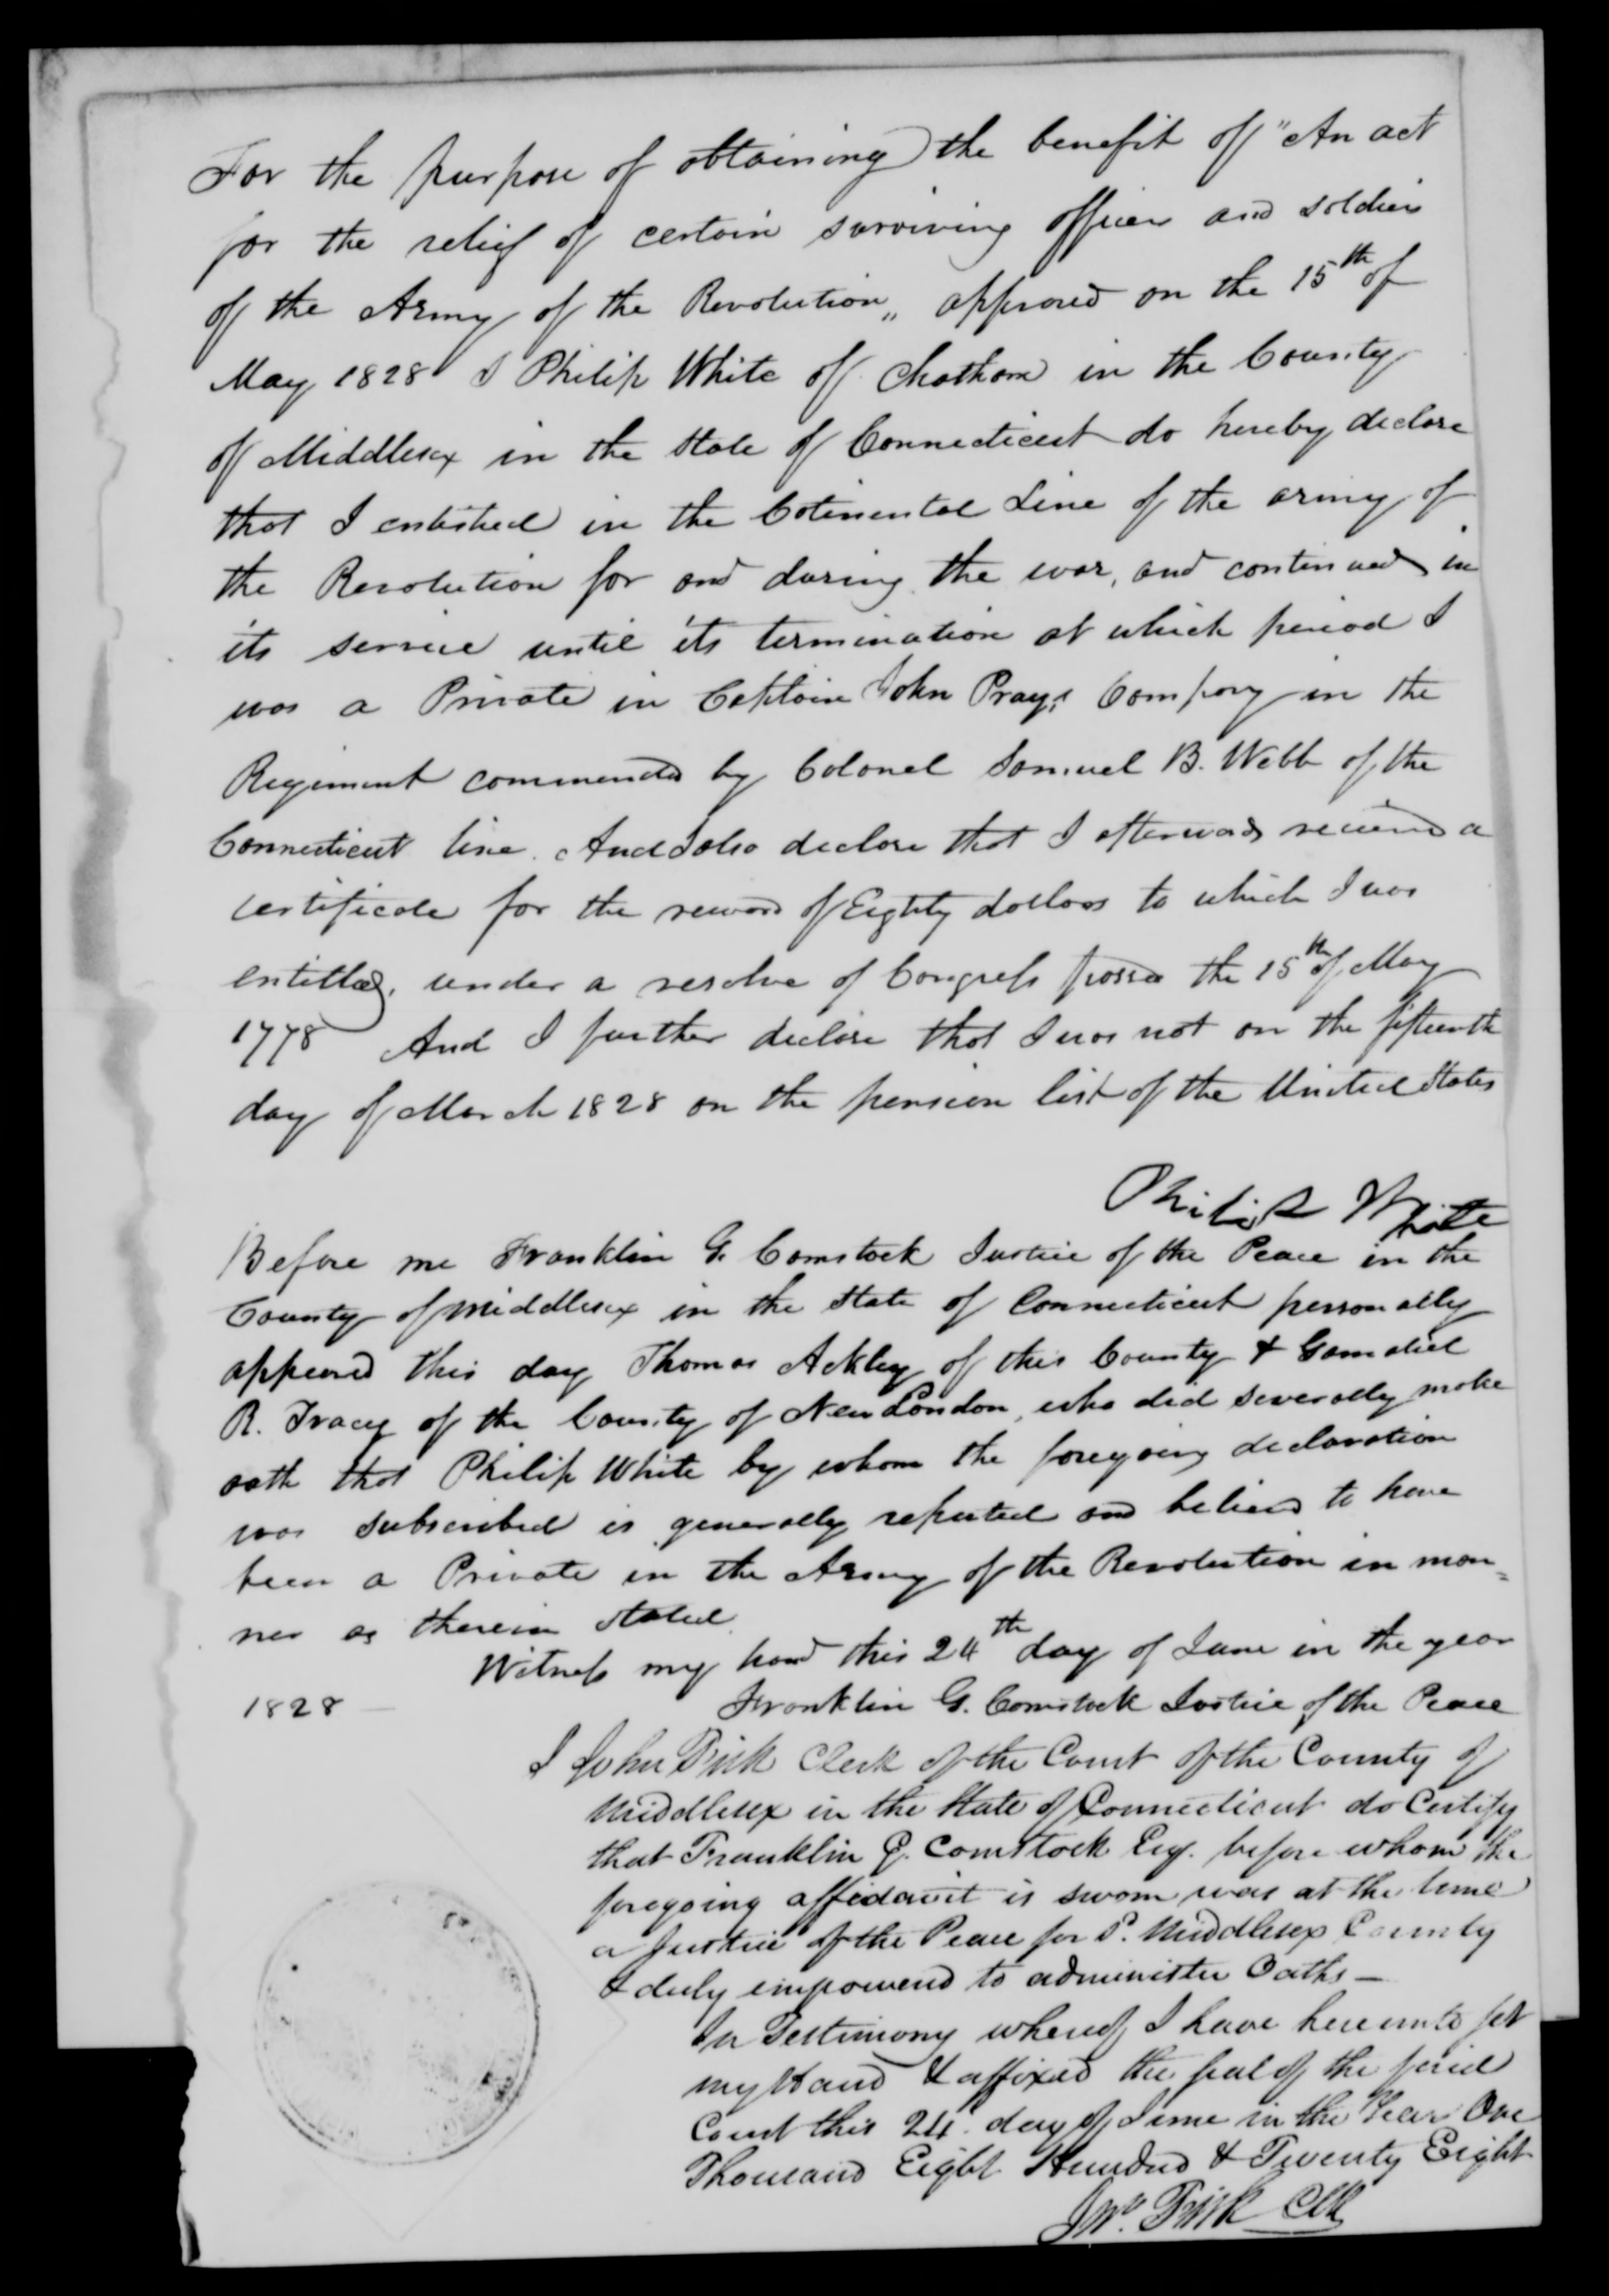For the purpose of obtaining the benefit of "An act
for the relief of certain surviving officerS and soldiers
of the Army of the Revolution, approved on the 15th of
May 1828 I Philip White of Chatham in the County
of Middlesex in the State of Connecticut do hereby declare
that I enlisted in the Continental line of the army of
the Revolution for and during the war, and continued in
its service until its termination at which period I
was a Private in Captain John Prays Company in the
Regiment commanded by Colonel Samuel B. Webb of the
Connecticut line. And I also declare that I afterwards received a
certificate for the reward of Eighty dollars to which I was
entitled, under a resolve of Congress passed the 15th May
1778 And I further declare that I was not on the fifteenth
day of March 1828 on the pension list of the United States

Philip White

Before me Franklin G Comstock Justice of the Peace in the
County of Middlesex in the State of Connecticut personally
appeared this day Thomas Ackley of this County & Gamaliel
R. Tracy of the County of New London, who did severally make
oath that Philip White by whom the foregoing declaration
was subscribed is generally reputed and believed to have
been a private in the Army of the Revolution in manner
as therein stated
Witness my hand this 24th day of June in the year
1828_
Franklin G. Comstock Justice of the Peace

I John Fisk Clerk of the Court of the County of
Middlesex in the State of Connecticut do certify
that Franklin G Comstock Esq. before whom the
foregoing affidavit is sworn was at the time
a Justice of the Peace for sd Middlesex County
& duly empowered to administer Oaths -
In Testimony whereof I have hereunto set
my Hand & affixed the seal of the said
Court this 24th day of June in the Year One
Thousand Eight Hundred & Twenty Eight
Jno. Fisk Clk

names: Philip White, R Tracy, Franklin G Comstock, Thomas Ackley, John Fisk, Samuel B Webb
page: 49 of 50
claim: widow's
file: W. 25,969, Philip White, Conn.